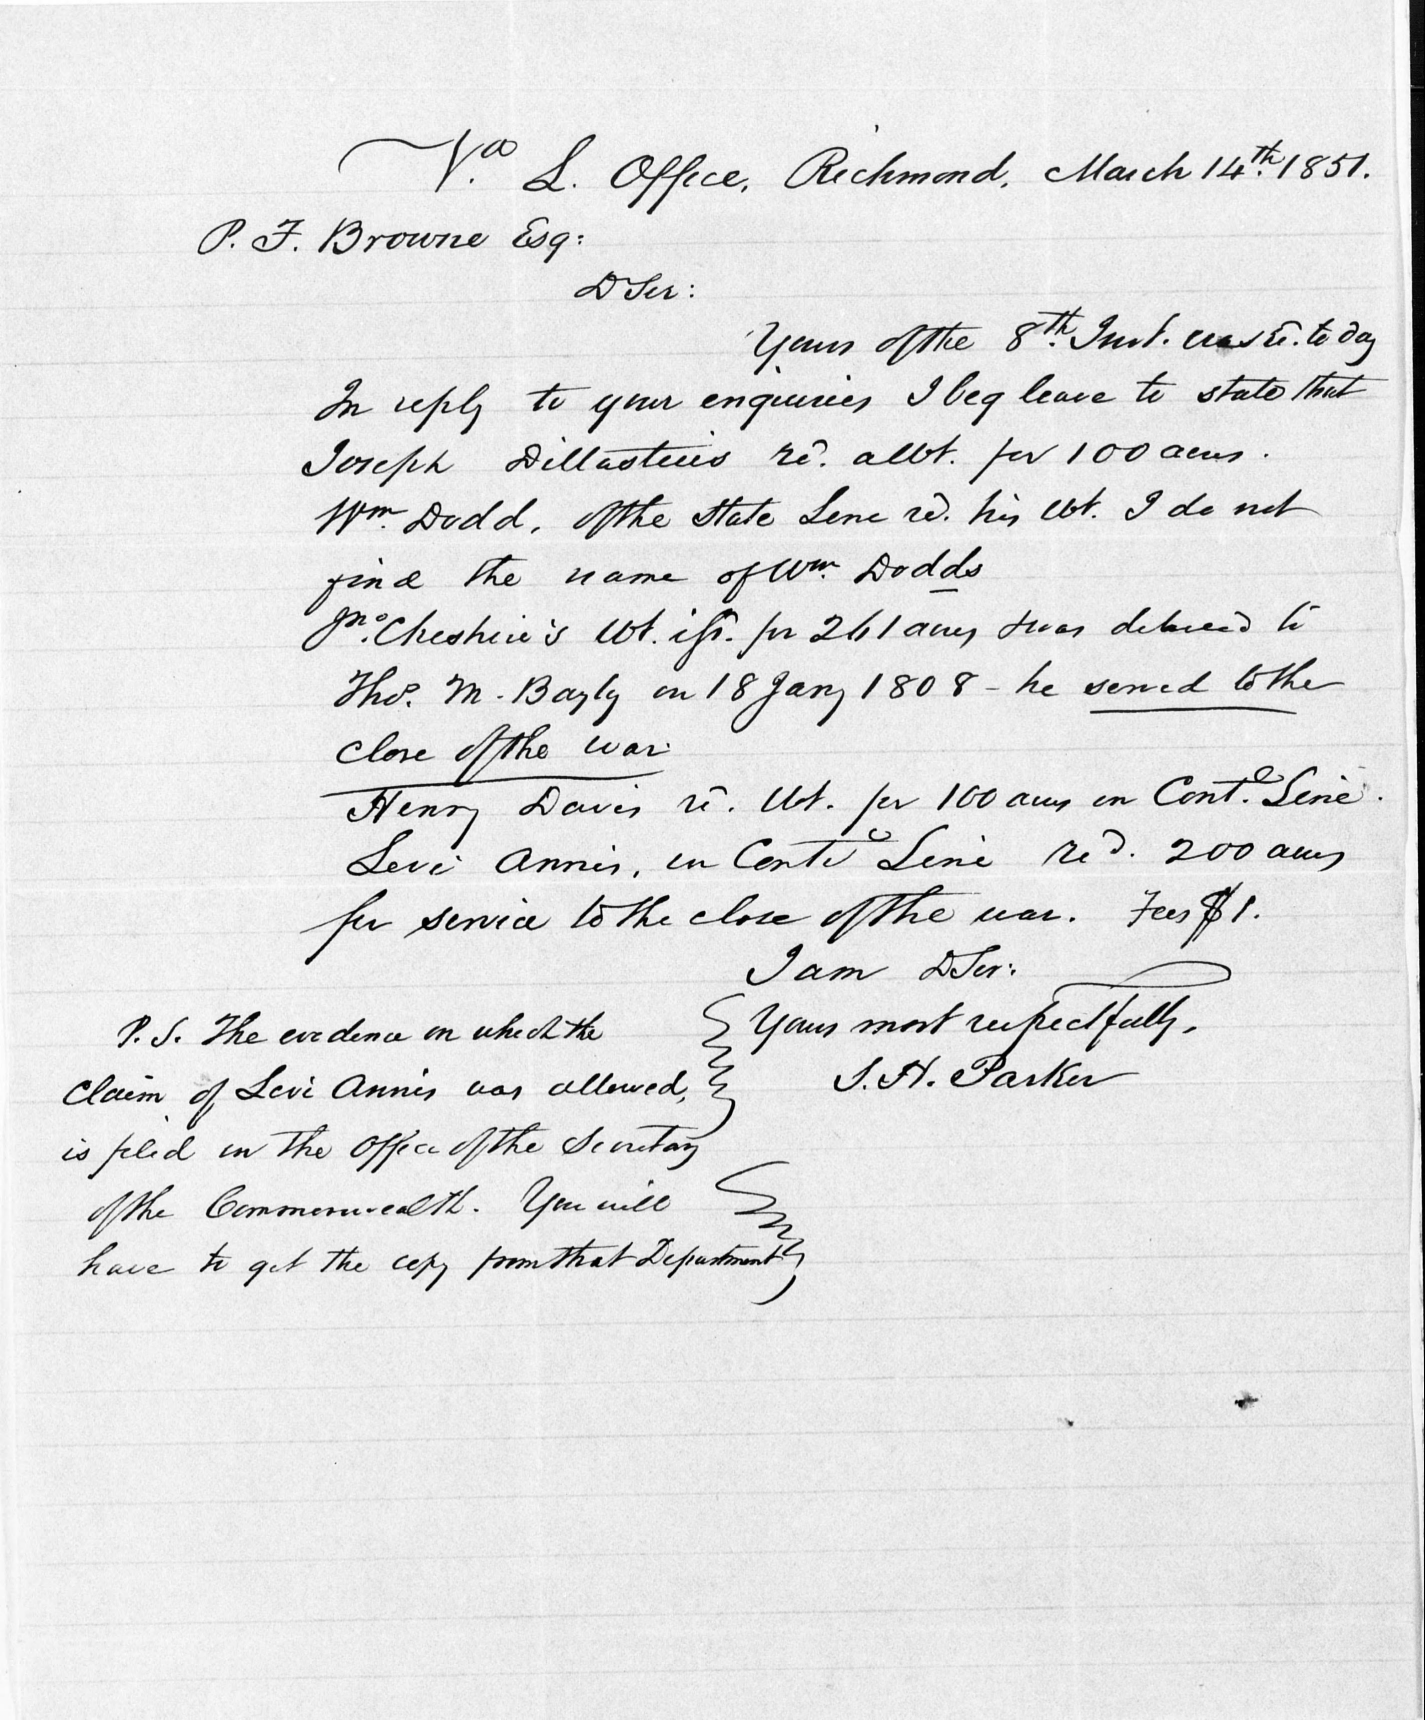Va. L. Office, Richmond, March 14 1851

P.F. Browne Esq:
D Sir:
Yours of the 8th Inst. was re. today.  In reply to your enguiries I beg leave to state that Joseph Dillasteris re. a wt. for 100 acres.  Wm. Dodd of the State Line re. his wt.  I do not find the name of Wm. Dodds.
JNo. Cheshire's wt iss. for 261 acres & was declared[?] to Thos. M. Bayly on 18 Jany 1808 - he served to the close of the car.
Henry David re. wt. for 100 acres on Contl. line.  Levin Annis in Conti Line red. 200 acres for service to the close of the war.  Fees $1
I am D. Sir:
Yours most respectfully
J.H. Parker

P.S. The evidence on which the claim of Levi Annis was allowed, is filed in the office of the Secretary of the Commonwealth.  You will have to get the copy from that Department.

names: Levi Annis, Thos M Bayly, Wm Dodds, J H Parker, Joseph Dillastius, Levi Annis, P F Browne, Henry Davis, Jno Cheshire, Wm Dodd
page: 27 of 27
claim: widow's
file: W 5624, Levi Annis, Va. Va. Sea Service